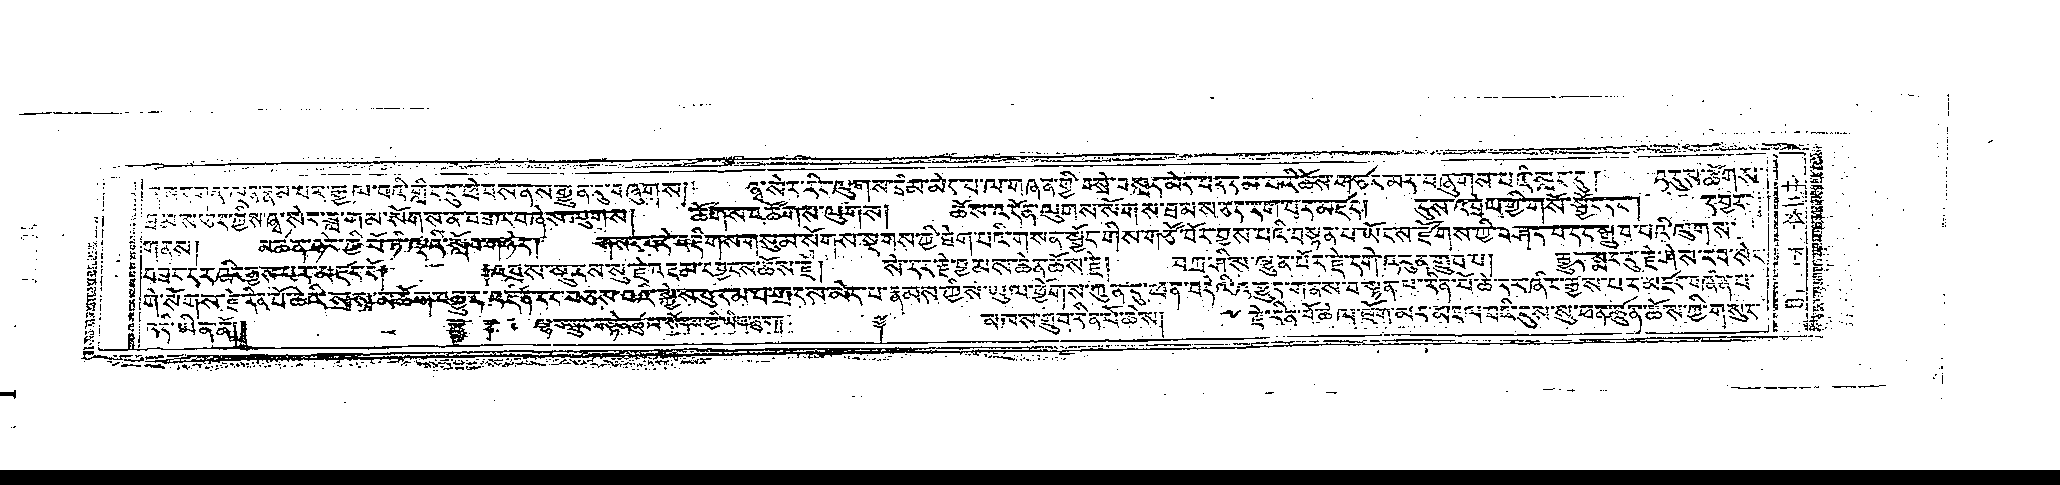ནས་དགའ་ལྡན་རྣམ་པར་རྒྱལ་བའི་གླིང་དུ་ཕེབས་ནས་རྒྱུན་དུ་བཞུགས། ཞྭ་སེར་རིང་ལུགས་དྲི་མ་མེད་པ་ལ་གཞན་གྱི་བསྲེ་བསླད་མེད་པར་དམ་པའི་ཆོས་གཙད་མར་བཞུགས་པའི་སླད་དུ། འདུས་ཚོགས་
ཐམས་ཅད་ཀྱིས་ཞྭ་སེར་ཟླ་གམ་སོགས་ན་བཟལ་བཞེས་ལུགས། ཚོགས་འཚོགས་ལུགས། ཆོས་འདོན་ལུགས་སོགས་ཐམས་ཅད་དག་པར་མཛད། དུས་འབྲེལ་གྱི་གསོ་སྦྱོད་དང་། དབྱར་
གནས། མཚན་ཉིད་ཀྱི་པོ་ཏི་ལྔའི་སློབ་གཉེར། གསང་བདེ་འཇིགས་གསུམ་སོགས་སྔགས་ཀྱི་ཐེག་པའི་གསན་སྦྱོང་གིས་གཙོ་བོར་བྱས་པའི་བསྟན་པ་ཡོངས་རྫོགས་ཀྱི་བཤད་པ་དང་སྒྲུབ་པའི་ལུགས་
བཟང་དར་ཞིང་རྒྱས་པར་མཛད་དོ། །འབྲས་སྦུངས་སུ་རྗེ་འཇམ་དབྱངས་ཆོས་རྗེ། སེ་རར་རྗེ་བྱམས་ཆེན་ཆོས་རྗེ། བཀྲ་ཤིས་ལྷུན་པོར་རྗེ་དགེ་འདུན་གྲུབ་བ། རྒྱུད་སྨད་དུ་རྗེ་ཤེས་རབ་སེང་
གེ་སོགས་རྗེ་རིན་པོ་ཆེའི་སྲས་མཆོག་བརྒྱུད་འཛིན་དང་བཅས་པའི་སྐྱེས་བུ་དམ་བ་གྲངས་མེད་པ་རྣམས་ཀྱིས་ཡུལ་ཕྱོགས་ཀུན་དུ་ཕན་བདེའི་འབྱུང་གནས་བསྟན་པ་རིན་པོ་ཆེ་དང་ཞིང་རྒྱས་པར་མཛད་བཞིན་པ་
འདི་ཡིན་ནོ།། །། ༈ ལྷ་བསྲུང་བསྟེན་ཚུལ་སོགས་ཀྱ་ཡིག་ཆུང།། ༈ མཁས་གྲུབ་རིན་པོ་ཆེས། ༧་རྗེ་རིན་པོ་ཆེ་ལ་ཐོག་མར་མདའ་བའི་དུས་སུ་ཕན་ཚུན་ཆོས་ཀྱི་གསུང་